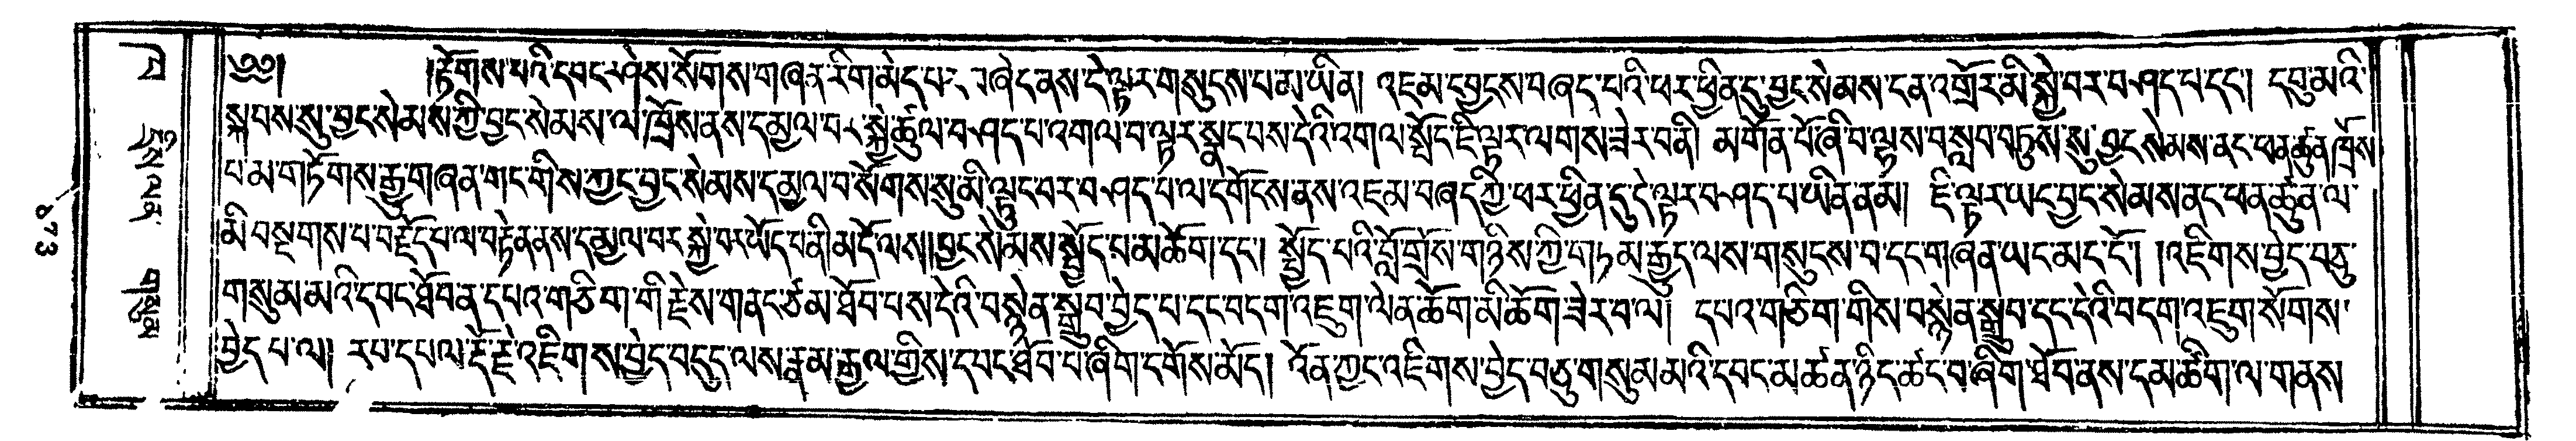༄༅། །རྟོགས་པའི་དབང་ཤེས་སོགས་གཞན་རིག་མེད་པར་བཞེད་ནས་དེ་ལྟར་གསུངས་པ་མ་ཡིན། འཇམ་དབྱངས་བཞད་པའི་ཕར་ཕྱིན་དུ་བྱང་སེམས་ངན་འགྲོར་མི་སྐྱེ་བར་བཤད་པ་དང་། དབུ་མའི་
སྐབས་སུ་བྱང་སེམས་ཀྱི་བྱང་སེམས་ལ་ཁྲོས་ནས་དམྱལ་བར་སྐྱེ་ཚུལ་བཤད་པ་འགལ་བ་ལྟར་སྣང་བས་དེའི་འགལ་སྤོང་ཇི་ལྟར་ལགས་ཟེར་བ་ནི། མགོན་པོ་ཞི་བ་ལྷས་བ་སླབ་བཏུས་སུ་བྱང་སེམས་ནང་ཕན་ཚུན་ཁྲོས་
པ་མ་གཏོགས་རྒྱུ་གཞན་གང་གིས་ཀྱང་བྱང་སེམས་དམྱལ་བ་སོགས་སུ་མི་ལྟུང་བར་བཤད་པ་ལ་དགོངས་ནས་འཇམ་བཞད་ཀྱི་ཕར་ཕྱིན་དུ་དེ་ལྟར་བཤད་པ་ཡིན་ནམ། ཇི་ལྟར་ཡང་བྱང་སེམས་ནང་ཕན་ཚུན་ལ་
མི་བསྔགས་པ་བརྗོད་པ་ལ་བརྟེན་ནས་དམྱལ་བར་སྐྱེ་བར་ཡོད་པ་ནི། མདོ་ལས། བྱང་སེམས་སྤྱོད་པ་མཆོག་དང་། སྤྱོད་པའི་བློ་གྲོས་གཉིས་ཀྱི་གཏམ་རྒྱུད་ལས་གསུངས་པ་དང་གཞན་ཡང་མང་ངོ། །འཇིགས་བྱེད་བཅུ་
གསུམ་མའི་དབང་ཐོབ་ན་དཔའ་གཅིག་གི་རྗེས་གནང་ཙམ་ཐོབ་པས་དེའི་བསྙེན་སྒྲུབ་བྱེད་པ་དང་བདག་འཇུག་ལེན་ཆོག་མི་ཆོག་ཟེར་བ་ལ། དཔའ་གཅིག་གིས་བསྙེན་སྒྲུབ་དང་དེའི་བདག་འཇུག་སོགས་
བྱེད་པ་ལ། རབ་དཔལ་རྡོ་རྗེ་འཇིགས་བྱེད་བདུད་ལས་རྣམ་རྒྱལ་གྱིས་དབང་ཐོབ་པ་ཞིག་དགོས་མོད། འོན་ཀྱང་འཇིགས་བྱེད་བཅུ་གསུམ་མའི་དབང་མཚན་ཉིད་ཚང་བ་ཞིག་ཐོབ་ནས་དམ་ཚིག་ལ་གནས་